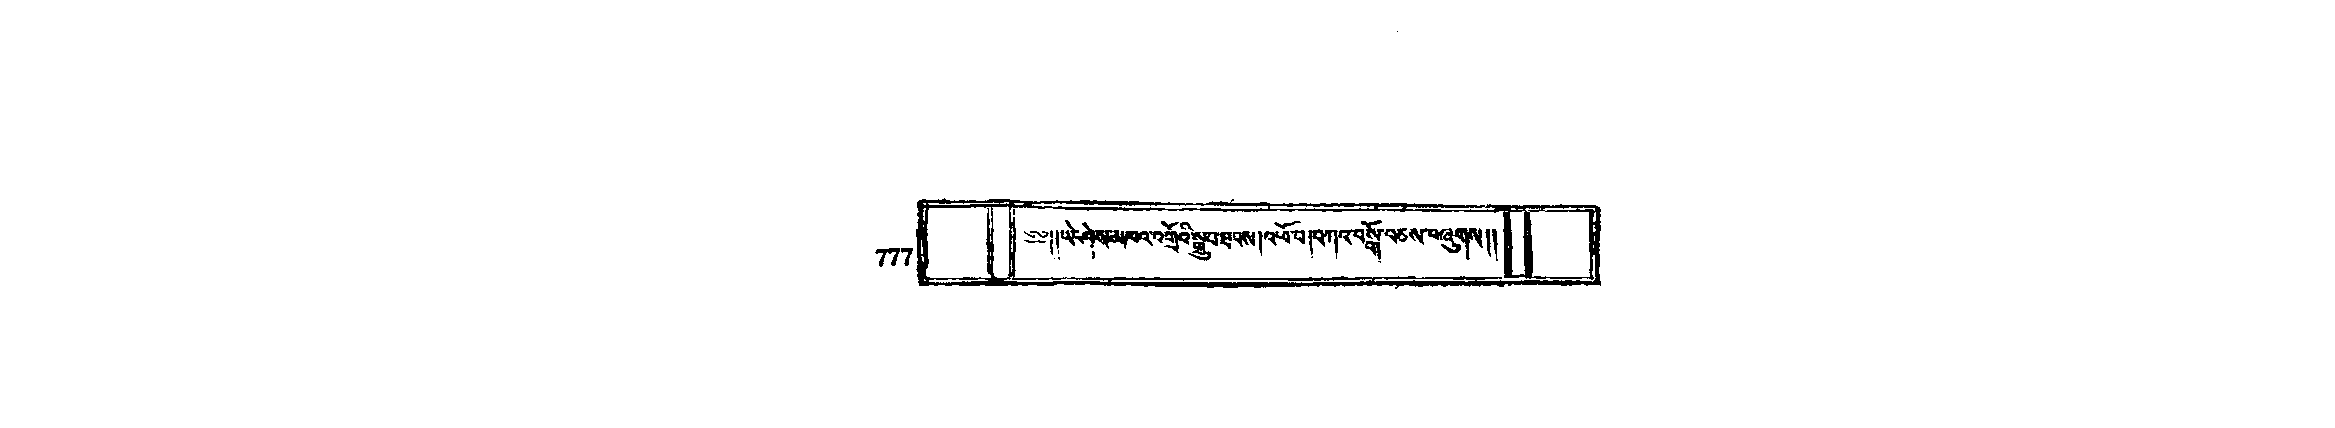༄༅། །ཡེ་ཤེས་མཁའ་འགྲོའི་སྒྲུབ་ཐབས། འཕོ་བ། བཀའ་བསྒོ་བཅས་བཞུགས།།